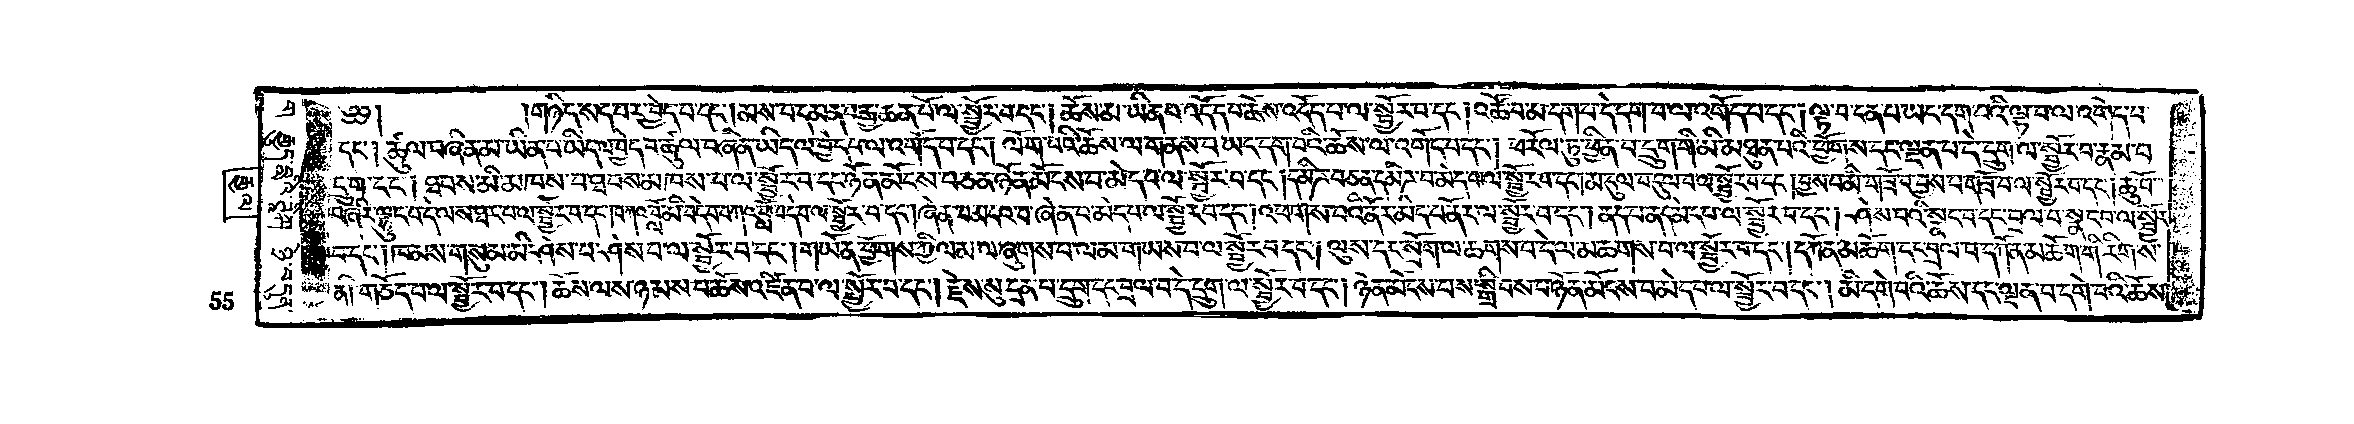༄༅། །གཉིད་སད་པར་བྱེད་པ་དང་། མས་པ་དམན་པ་རྒྱ་ཆེན་པོ་ལ་སྦྱོར་བ་དང་། ཆོས་མ་ཡིན་པ་འདོད་པ་ཆོས་འདོད་པ་ལ་སྦྱོར་བ་དང་། འཚོ་བ་མ་དག་པ་དེ་དག་བ་ལ་འགོད་པ་དང་། ལྟ་བ་ངན་པ་ཡང་དག་པའི་ལྟ་བ་ལ་འགོད་པ་
དང༑ ཚུལ་བཞིན་མ་ཡིན་པ་ཡིད་ལ་བྱེད་པ་ཚུལ་བཞིན་ཡིད་ལ་བྱེད་པ་ལ་འགོད་པ་དང་། ལོག་པའི་ཆོས་ལ་གནས་པ་ཡང་དག་པའི་ཆོས་ལ་འགོད་པ་དང་། ཕ་རོལ་ཏུ་ཕྱིན་པ་དྲུག་གི་མི་མཐུན་པའི་ཕྱོགས་དང་ལྡན་པ་དེ་དྲུག་ལ་སྦྱོར་བ་རྣམ་པ་
དྲུག་དང་། ཐབས་མི་མཁས་པ་ཐབས་མཁས་པ་ལ་སྦྱོར་བ་དང་ཉོན་མོངས་པ་ཅན་ཉོན་མོངས་པ་མེད་པ་ལ་སྦྱོར་བ་དང་། དམིགས་པ་ཅན་དམིགས་པ་མེད་པ་ལ་སྦྱོར་བ་དང་། མ་དུལ་བ་དུལ་བ་ལ་སྦྱོར་བ་དང་། བྱས་པ་མི་གཟོ་བ་བྱས་པ་གཟོ་བ་ལ་སྦྱོར་བ་དང་། ཆུ་བོ་
བཞིར་ལྷུང་བ་དེ་ལས་ཐར་པ་ལ་སྦྱོར་བ་དང་། བཀའ་བློ་མི་བདེ་བ་བཀའ་བློ་བདེ་བ་ལ་སྦྱོར་བ་དང་། ཞེན་པ་མདའ་བ་ཞེན་པ་མེད་པ་ལ་སྦྱོར་བ་དང་། འཕགས་པའི་ནོར་མེད་པ་ནོར་ལ་སྦྱོར་བ་དང་། ནད་པ་ནད་མེད་པ་ལ་སྦྱོར་བ་དང་། ཤེས་པའི་སྣང་བ་དང་བྲལ་བ་སྣང་བ་ལ་སྦྱོར་
བ་དང་། ཁམས་གསུམ་མི་ཤེས་པ་ཤེས་པ་ལ་སྦྱོར་བ་དང་། གཡོན་ཕྱོགས་ཀྱི་ལམ་ལ་ཞུགས་པ་ལམ་གཡས་པ་ལ་སྦྱོར་བ་དང་། ལུས་དང་སྲོག་ལ་ཆགས་པ་དེ་ལ་མ་ཆགས་པ་ལ་སྦྱོར་བ་དང་། དཀོན་མཆོག་དང་བྲལ་བ་དཀོན་མཆོག་གི་རིགས་
ནི༑ གཅོད་པ་ལ་སྦྱོར་བ་དང་། ཆོས་ལས་ཉམས་པ་ཆོས་འཛིན་པ་ལ་སྦྱོར་བ་དང་། རྗེས་སུ་དྲན་པ་དྲུག་དང་བྲལ་བ་དེ་དྲུག་ལ་སྦྱོར་བ་དང་། ཉེན་མོངས་པས་སྒྲིབས་པ་ཉོན་མོངས་པ་མེད་པ་ལ་སྦྱོར་བ་དང་། མི་དགེ་བའི་ཆོས་དང་ལྡན་པ་དགེ་བའི་ཆོས་